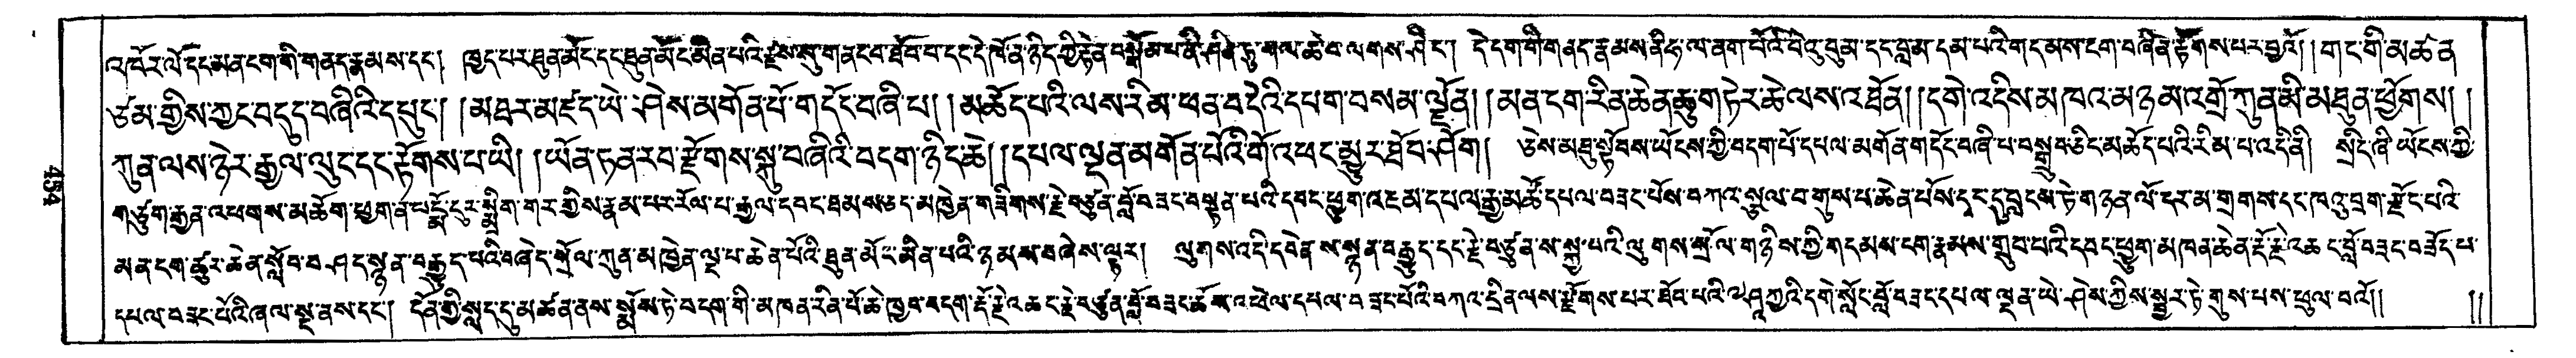འཁོར་ལོ་དང་མན་ངག་གི་གནད་རྣམས་དང་། ཁྱད་པར་ཐུན་མོང་དང་ཐུན་མོང་མིན་པའི་རྗེས་སུ་གནང་བ་ཐོབ་པ་དང་དེ་ཁོ་ན་ཉིད་ཀྱི་རྟེན་བསྒོམ་པ་ནི་ཤིན་ཏུ་གལ་ཆེ་བ་ལགས་ཤིང་། དེ་དག་གི་གནང་རྣམས་ནི་ཧ་ལ་ནག་པོའི་བེའུ་བུམ་དང་བླ་མ་དམ་པའི་གདམས་ངག་བཞིན་རྟོགས་པར་བྱའོ། །གང་གི་མཚན་
ཙམ་གྱིས་ཀྱང་བདུད་བཞིའི་དཔུང་། །མཐར་མཛད་ཡེ་ཤེས་མགོན་པོ་གདོང་བཞི་པ། །མཆོད་པའི་ལས་རིམ་ཕན་བདེའི་དཔག་བསམ་ལྗོན། །མན་ངག་རིན་ཆེ་ཆུ་གཏེར་ཆེ་ལས་འཐོན། །དགེ་འདིས་མཁའ་མཉམ་འགྲོ་ཀུན་མི་མཐུན་ཕྱོགས། །
ཀུན་ལས་ཉེར་རྒྱལ་ལུང་དང་རྟོགས་པ་ཡི། །ཡོན་ཏན་རབ་རྫོགས་སྐུ་བཞིའི་བདག་ཉིད་ཆེ། །དཔལ་ལྡན་མགོན་པོའི་གོ་འཕང་མྱུར་ཐོབ་ཤོག། ཅེས་མཐུ་སྟོབས་ཡོངས་ཀྱི་བདག་པོ་དཔལ་མགོན་གདོང་བཞི་པ་བསྒྲུབ་ཅིང་མཆོད་པའི་རིམ་པ་འདི་ནི། སྲིད་ཞི་ཡོངས་ཀྱི་
གཙུག་རྒྱན་འཕགས་མཆོག་ཕྱག་ན་པདམོ་དུར་སྨྲིག་གར་གྱིས་རྣམ་པར་རོལ་པ་རྒྱལ་དབང་ཐམས་ཅད་མཁྱེན་གཟིགས་རྗེ་བཙུན་བློ་བཟང་བསྟན་པའི་དབང་ཕྱུག་འཇམ་དཔལ་རྒྱ་མཚོ་དཔལ་བཟང་པོས་བཀའ་སྩལ་བ་གུས་པ་ཆེན་པོས་དྭང་དུ་བླངས་ཏེ་གཉན་ལོ་དར་མ་གྲགས་དང་ཁའུ་བྲག་རྫོང་པའི་
མན་ངག་ཚར་ཆེན་སློབ་བཤད་སྙན་བརྒྱུད་པའི་བཞེད་སྲོལ་ཀུན་མཁྱེན་ལྔ་པ་ཆེན་པོའི་ཐུན་མོང་མིན་པའི་ཉམས་བཞེས་ལྟར། །ལུགས་འདི་བདེན་ས་སྙན་བརྒྱུད་དང་རྗེ་བཙུན་ས་སྐྱ་བའི་ལུགས་སྲོལ་གཉིས་ཀྱི་གདམས་ངག་རྣམས་གྲུབ་པའི་དབང་ཕྱུག་མཁན་ཆེན་རྡོ་རྗེ་འཆང་བློ་བཟང་བཟོད་པ་
དཔལ་བཟང་པོའི་ཞལ་སྔ་ནས་དང་། དོན་གྱི་སླད་དུ་མཚན་ནས་སྨོས་ཏེ་བདག་གི་མཁན་རིན་པོ་ཆེ་ཁྱབ་བདག་རྡོ་རྗེ་འཆང་རྗེ་བཙུན་བློ་བཟང་ཆོས་འཕེལ་དཔལ་བཟང་པོའི་བཀའ་དྲིན་ལས་རྫོགས་པར་ཐོབ་པའི ༧ཤཱཀྱའི་དགེ་སློང་བློ་བཟང་དཔལ་ལྡན་ཡེ་ཤེས་ཀྱིས་སྦྱར་ཏེ་གུས་པས་ཕུལ་བའོ།། །།